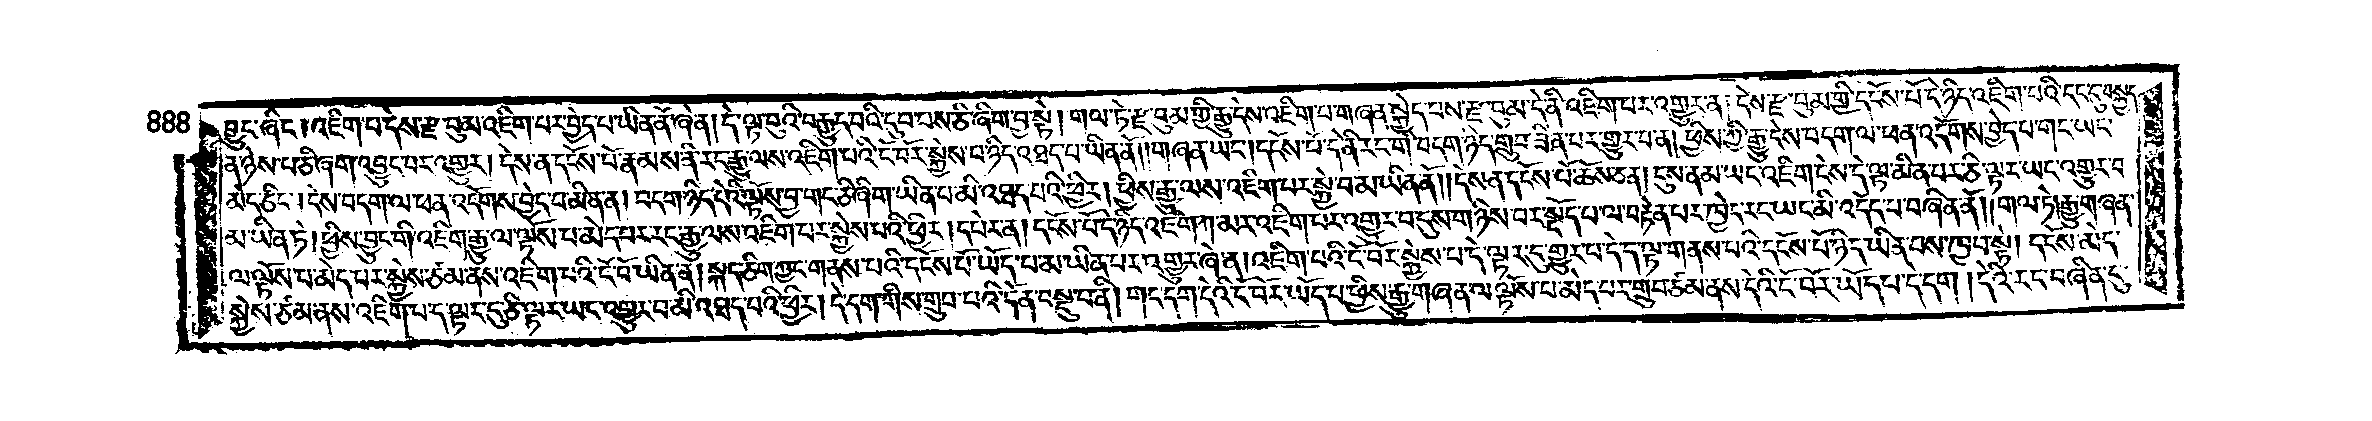བྱུང་ཞིང་། འཇིག་པ་དེས་རྫ་བུམ་འཇིག་པར་བྱེད་པ་ཡིན་ནོ་ཞེ་ན། དེ་ལྟ་བུའི་བརྒྱུད་པའི་དུབ་པས་ཅི་ཞིག་བྱ་སྟེ། གལ་ཏེ་རྫ་བུམ་གྱི་རྒྱུ་དེས་འཇིག་པ་གཞན་སྐྱེད་པས་རྫ་བུམ་དེ་ནི་འཇིག་པར་འགྱུར་ན། དེས་རྫ་བུམ་གྱི་དངོས་པོ་དེ་ཉིད་འཇིག་པའི་ངང་དུ་བསྐྱེད་
ན་ཉེས་པ་ཅི་ཞིག་འབྱུང་བར་འགྱུར། དེས་ན་དངོས་པོ་རྣམས་ནི་རང་རྒྱུ་ལས་འཇིག་པའི་ངོ་བོ་སྐྱེས་པ་ཉིད་འཐད་པ་ཡིན་ནོ། གཞན་ཡང་། དངོས་པོ་དེ་ནི་རང་གི་བདག་ཉིད་གྲུབ་ཟིན་པར་གྱུར་པ་ན། ཕྱིས་ཀྱི་རྒྱུ་དེས་བདག་ལ་ཕན་འདོགས་བྱེད་པ་གང་ཡང་
མེད་ཅིང་། དེས་བདག་ལ་ཕན་འདོགས་བྱེད་པ་མིན་ན། བདག་ཉིད་དེའི་ལྟོས་བྱ་གང་ཅི་ཞིག་ཡིན་པ་མི་འཐད་པའི་ཕྱིར། ཕྱིས་རྒྱུ་ལས་འཇིག་པར་སྐྱེ་བ་མ་ཡིན་ནོ། །དེས་ན་དངོས་པོ་ཆོས་ཅན། དུས་ནམ་ཡང་འཇིག་ངེས་དེ་ལྟ་མིན་པར་ཅི་ལྟར་ཡང་འགྱུར་བ་
མ་ཡིན་ཏེ། ཕྱིས་བྱུང་གི་འཇིག་རྒྱུ་ལ་ལྟོས་པ་མེད་པར་རང་རྒྱུ་ལས་འཇིག་པར་སྐྱེས་པའི་ཕྱིར། དཔེར་ན། དངོས་པོ་དེ་ཉིད་འཇིག་ཀ་མར་འཇིག་པར་འགྱུར་བ་དུས་གཉིས་པར་སྡོད་པ་ལ་བརྟན་པར་ཁྱེད་རང་ཡང་མི་འདོད་པ་བཞིན་ནོ། །གལ་ཏེ། རྒྱུ་གཞན་
ལ་ལྟོས་པ་མེད་པར་སྐྱེས་ཙམ་ནས་འཇིག་པའི་ངོ་བོ་ཡིན་ན། སྐད་ཅིག་ཀྱང་གནས་པའི་དངོས་པོ་ཡོད་པ་མ་ཡིན་པར་འགྱུར་ཞེ་ན། འཇིག་པའི་ངོ་བོར་སྐྱེས་པ་དེ་ལྟར་དུ་གྱུར་པ་དེ་ད་ལྟ་གནས་པའི་དངོས་པོ་ཉིད་ཡིན་པས་ཁྱབ་སྟེ། དངོས་མེད་
སྐྱེས་ཙམ་ནས་འཇིག་པ་ད་ལྟར་དུ་ཅི་ཡང་འགྱུར་བ་མི་འཐད་པའི་ཕྱིར། དེ་དག་གིས་གྲུབ་པའི་དོན་བསྡུ་བ་ནི། གང་དག་དེའི་ངོ་བོར་ཡོད་པ་ཕྱིས་རྒྱུ་གཞན་ལ་ལྟོས་པ་མེད་པར་གྲུབ་ཙམ་ནས་དེའི་ངོ་བོར་ཡོད་པ་དེ་དག། དེའི་རང་བཞིན་དུ་